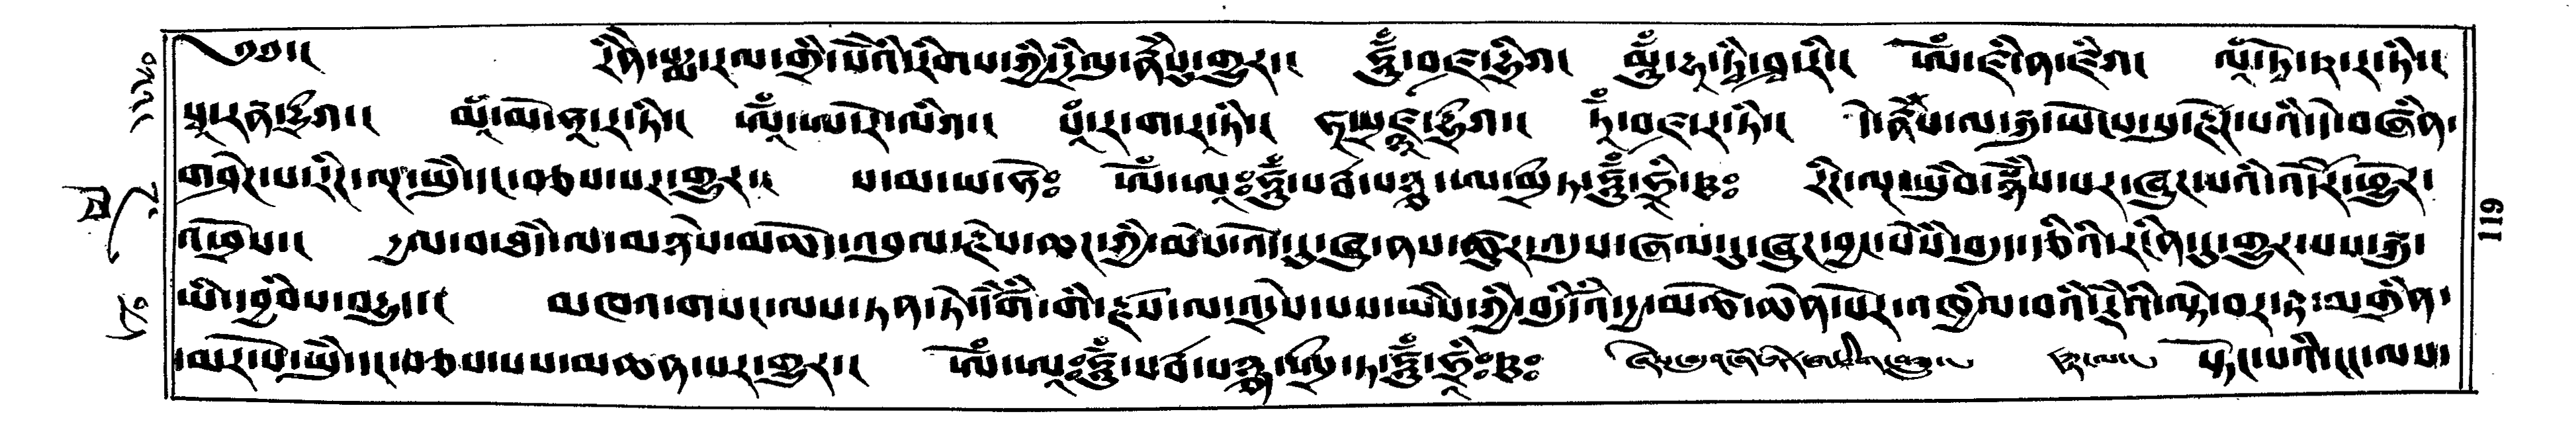རིན་ཆེན་པདྨ་རལ་གྲི་སོ་སོའི་རིགས་ཀྱི་དྲིལ་བུ་རྣམས་སུ་གྱུར། ཧཱུྃ་བཛྲ་དྷྲིཀ། མཱུྃ་དྷཱ་ཏྭི་ཤྭ་རི། ཨོཾ་ཛི་ན་ཇིཀ། ལཱ་ཏྭེ་ར་ར་ཏི། 
སྭ་རཏྣ་དྷྲྀཀ། མཱཾ་མོ་ཧཱ་ར་ཏི། ཨཱྃ་ཨ་རོ་ལིཀ། པྭཱཾ་ར་ག་རཱ་ཏི། ཧཱཔྲཛྙཱ་དྷྲྀཀ། ཏཱྃ་བཛྲ་ར་ཏི། དེ་རྣམས་ལ་སྐུ་ཡོངས་སུ་རྫོགས་པའི་དེ་བཞིན་
གཤེགས་པ་རིགས་ལྔ་ཡུམ་དང་བཅས་པར་གྱུར། ས་མ་ཡ་ཧོཿ ཨོཾ་ཨཱཿཧཱུྃ་སརྦ་པཉྩ་ཨམྲྀ་ཏ་ཧཱུྃ་ཧྲཱིཿཋཿ རིགས་ལྔ་ཡབ་ཡུམ་སྙོམས་པར་ཞུགས་པའི་འོད་ཟེར་ཕྱོགས་བཅུར་
འཕྲོས། རྒྱལ་བ་ཐམས་ཅད་ལ་མཉེས་མཆོད་ཕུལ། རྗེས་ཆགས་ཀྱི་མེས་འོད་དུ་ཞུ་ནས་ཚུར་འདུས་ཞལ་དུ་ཞུགས། བྱང་སེམས་བདུད་རྩིའི་རང་བཞིན་དུ་གྱུར་པས་སྐུའི་
དབྱིབས་བརྒྱུད། མཁའ་གསང་ལས་བཏན་ཏེ་དམ་ཚིག་གི་རྫས་ལ་འདྲེས་པས་ཡེ་ཤེས་ཀྱི་བདུད་རྩིའི་རྒྱ་མཚོ་ཆེན་པོར་འཁྱིལ་བའི་རྡོ་རྗེའི་ལྟེ་བར་རྟ་མགྲིན་
དམར་པོ་ཡུམ་དང་བཅས་པས་མཚན་པར་གྱུར། ཨོཾ་ཨཱཿཧཱུྃ་སརྦ་པཉྩ་ཨ་མྲྀ་ཏ་ཧཱུ་ྃཧྲཱིཿཋཿ ཞེས་བདུན་ནམ་ཉེར་གཅིག་བཟླ། རཀྟ་ལ། སྟོང་པའི་ངང་ལས་